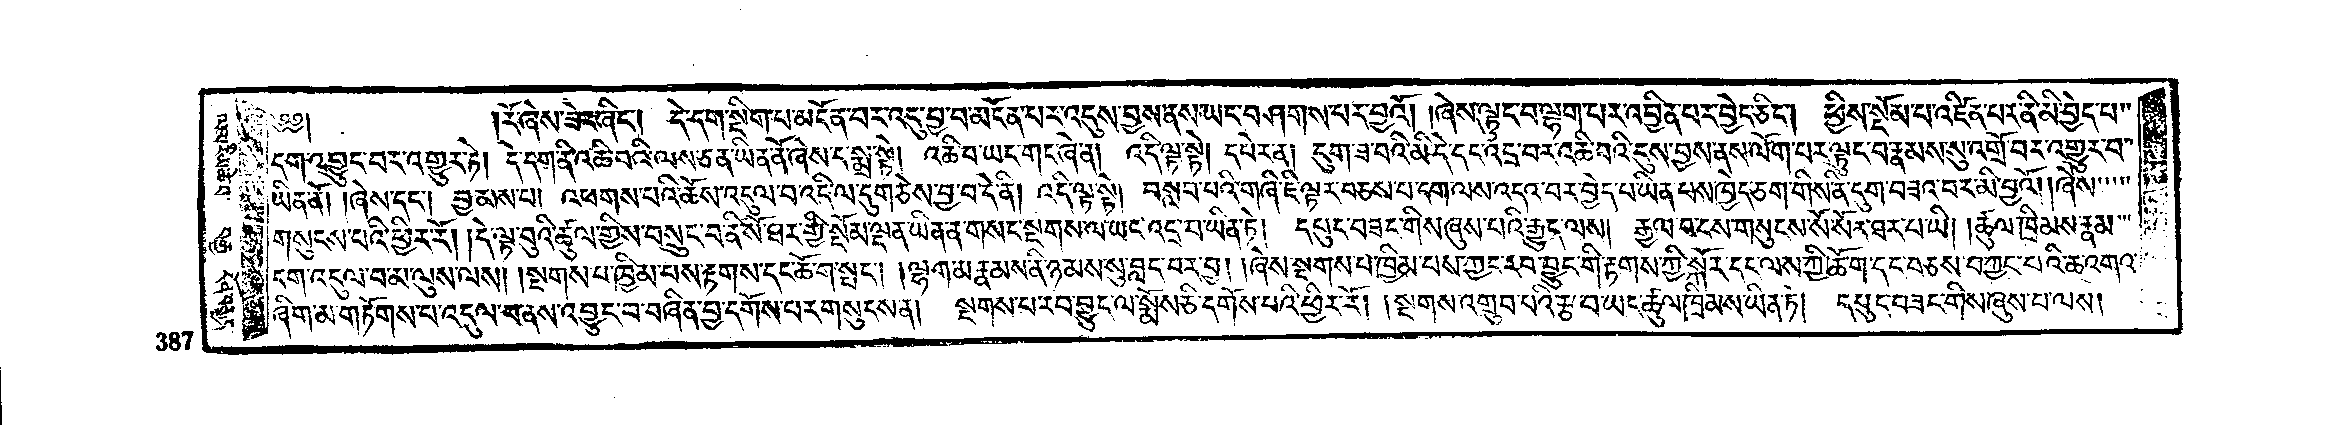༄༅། །རོ་ཞེས་ཟེར་ཞིང་། དེ་དག་སྡིག་པ་མངོན་པར་འདུ་བྱ་བ་མངོན་པར་འདུས་བྱས་ནས་ཡང་བཤགས་པར་བྱའོ། །ཞེས་ལྟུང་བ་ལྷག་པར་འབྱིན་པར་བྱེད་ཅིང་། ཕྱིས་སྡོམ་པ་འཛིན་པར་ནི་མི་བྱེད་པ་
དག་འབྱུང་བར་འགྱུར་ཏེ། དེ་དག་ནི་འཆི་བའི་ལས་ཅན་ཡིན་ནོ་ཞེས་ང་སྨྲ་སྟེ། འཆི་བ་ཡང་གང་ཞེ་ན། འདི་ལྟ་སྟེ། དཔེར་ན། དུག་ཟ་བའི་མི་དེ་དང་འདྲ་བར་འཆི་བའི་དུས་བྱས་ནས་ལོག་པར་ལྟུང་བ་རྣམས་སུ་འགྲོ་བར་འགྱུར་བ་
ཡིན་ནོ། །ཞེས་དང་། བྱམས་པ། འཕགས་པའི་ཆོས་འདུལ་བ་འདི་ལ་དུག་ཅེས་བྱ་བ་དེ་ནི། འདི་ལྟ་སྟེ། བསླབ་པའི་གཞི་ཇི་ལྟར་བཅས་པ་དག་ལས་འདའ་བར་བྱེད་པ་ཡིན་པས་ཁྱེད་ཅག་གིས་ནི་དུག་བཟའ་བར་མི་བྱའོ། །ཞེས་
གསུངས་པའི་ཕྱིར་རོ། །དེ་ལྟ་བུའི་ཚུལ་གྱིས་བསྲུང་བ་ནི་སོ་ཐར་གྱི་སྡོམ་ལྡན་ཡིན་ན་གསང་སྔགས་ལ་ཡང་འདྲ་བ་ཡིན་ཏེ། དཔུང་བཟང་གིས་ཞུས་པའི་རྒྱུད་ལས། རྒྱལ་བ་ངས་གསུངས་སོ་སོར་ཐར་པ་ཡི། །ཚུལ་ཁྲིམས་རྣམ་
དག་འདུལ་བ་མ་ལུས་ལས། །སྔགས་པ་ཁྱིམ་པས་རྟགས་དང་ཆོ་ག་སྤང་། །ལྷག་མ་རྣམས་ནི་ཉམས་སུ་བླང་བར་བྱ། །ཞེས་སྔགས་པ་ཁྱིམ་པས་ཀྱང་རབ་བྱུང་གི་རྟགས་ཀྱི་སྐོར་དང་ལས་ཀྱི་ཆོ་ག་དང་བཅས་པ་རྐྱང་པའི་ཆ་འགའ་
ཞིག་མ་གཏོགས་པ་འདུལ་བ་ནས་འབྱུང་བ་བཞིན་བྱ་དགོས་པར་གསུངས་ན། སྔགས་པ་རབ་བྱུང་ལ་སྨོས་ཅི་དགོས་པའི་ཕྱིར་རོ། །སྔགས་འགྲུབ་པའི་རྩ་བ་ཡང་ཚུལ་ཁྲིམས་ཡིན་ཏེ། དཔུང་བཟང་གིས་ཞུས་པ་ལས།